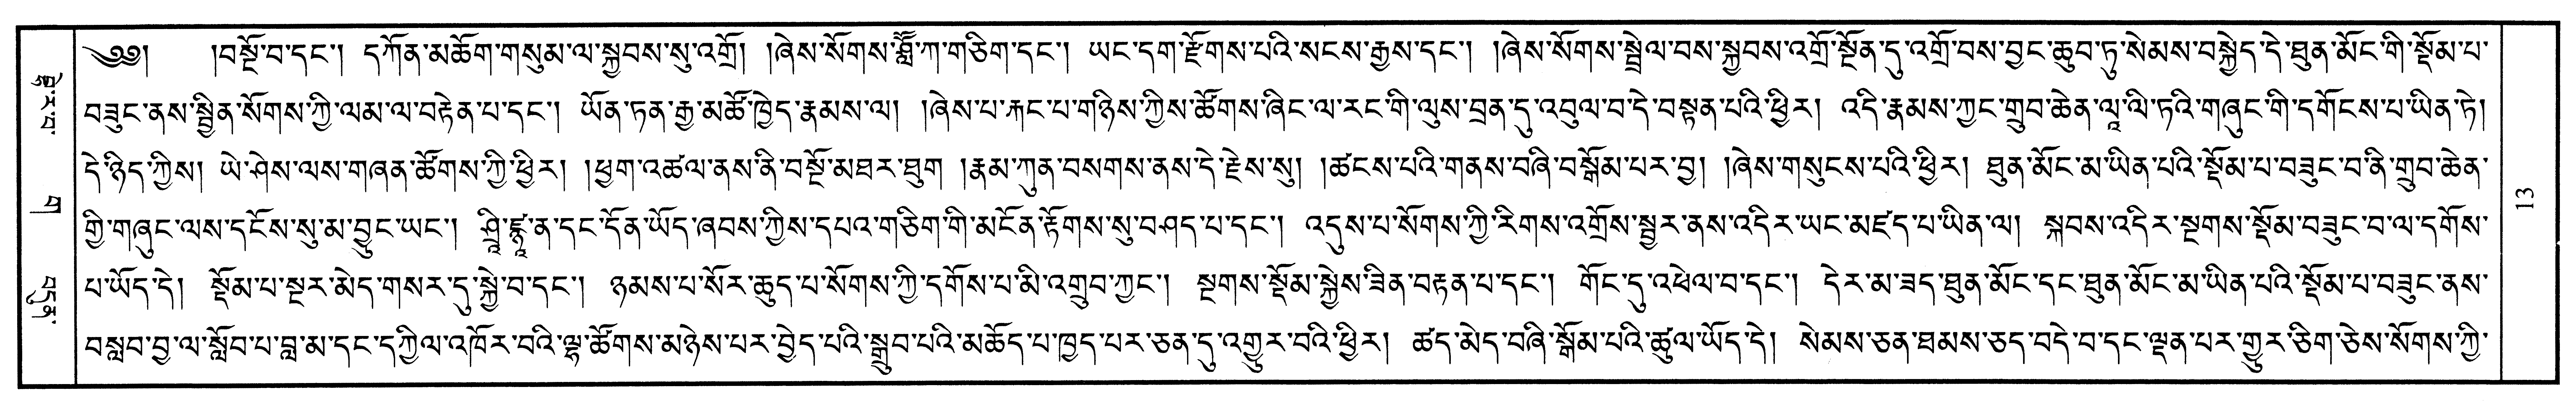༄༅། །བསྔོ་བ་དང་། དཀོན་མཆོག་གསུམ་ལ་སྐྱབས་སུ་འགྲོ། །ཞེས་སོགས་ཤླཽ་ཀ་གཅིག་དང་། ཡང་དག་རྫོགས་པའི་སངས་རྒྱས་དང་། །ཞེས་སོགས་སྦྲེལ་བས་སྐྱབས་འགྲོ་སྔོན་དུ་འགྲོ་བས་བྱང་ཆུབ་ཏུ་སེམས་བསྐྱེད་དེ་ཐུན་མོང་གི་སྡོམ་པ་
བཟུང་ནས་སྦྱིན་སོགས་ཀྱི་ལམ་ལ་བརྟེན་པ་དང་། ཡོན་ཏན་རྒྱ་མཚོ་ཁྱེད་རྣམས་ལ། །ཞེས་པ་རྐང་པ་གཉིས་ཀྱིས་ཚོགས་ཞིང་ལ་རང་གི་ལུས་བྲན་དུ་འབུལ་བ་དེ་བསྟན་པའི་ཕྱིར། འདི་རྣམས་ཀྱང་གྲུབ་ཆེན་ལཱ་ལི་ཏའི་གཞུང་གི་དགོངས་པ་ཡིན་ཏེ།
དེ་ཉིད་ཀྱིས། ཡེ་ཤེས་ལས་གཞན་ཚོགས་ཀྱི་ཕྱིར། །ཕྱག་འཚལ་ནས་ནི་བསྔོ་མཐར་ཐུག །རྣམ་ཀུན་བསགས་ནས་དེ་རྗེས་སུ། །ཚངས་པའི་གནས་བཞི་བསྒོམ་པར་བྱ། །ཞེས་གསུངས་པའི་ཕྱིར། ཐུན་མོང་མ་ཡིན་པའི་སྡོམ་པ་བཟུང་བ་ནི་གྲུབ་ཆེན་
གྱི་གཞུང་ལས་དངོས་སུ་མ་བྱུང་ཡང་། ཤྲཱི་ཛྙཱ་ན་དང་དོན་ཡོད་ཞབས་ཀྱིས་དཔའ་གཅིག་གི་མངོན་རྟོགས་སུ་བཤད་པ་དང་། འདུས་པ་སོགས་ཀྱི་རིགས་འགྲོས་སྦྱར་ནས་འདིར་ཡང་མཛད་པ་ཡིན་ལ། སྐབས་འདིར་སྔགས་སྡོམ་བཟུང་བ་ལ་དགོས་
པ་ཡོད་དེ། སྡོམ་པ་སྔར་མེད་གསར་དུ་སྐྱེ་བ་དང་། ཉམས་པ་སོར་ཆུད་པ་སོགས་ཀྱི་དགོས་པ་མི་འགྲུབ་ཀྱང་། སྔགས་སྡོམ་སྐྱེས་ཟིན་བརྟན་པ་དང་། གོང་དུ་འཕེལ་བ་དང་། དེར་མ་ཟད་ཐུན་མོང་དང་ཐུན་མོང་མ་ཡིན་པའི་སྡོམ་པ་བཟུང་ནས་
བསླབ་བྱ་བ་ལ་སློབ་པ་བླ་མ་དང་དཀྱིལ་འཁོར་བའི་ལྷ་ཚོགས་མཉེས་པར་བྱེད་པའི་སྒྲུབ་པའི་མཆོད་པ་ཁྱད་པར་ཅན་དུ་འགྱུར་བའི་ཕྱིར། ཚད་མེད་བཞི་སྒོམ་པའི་ཚུལ་ཡོད་དེ། སེམས་ཅན་ཐམས་ཅད་བདེ་བ་དང་ལྡན་པར་གྱུར་ཅིག་ཅེས་སོགས་ཀྱི་